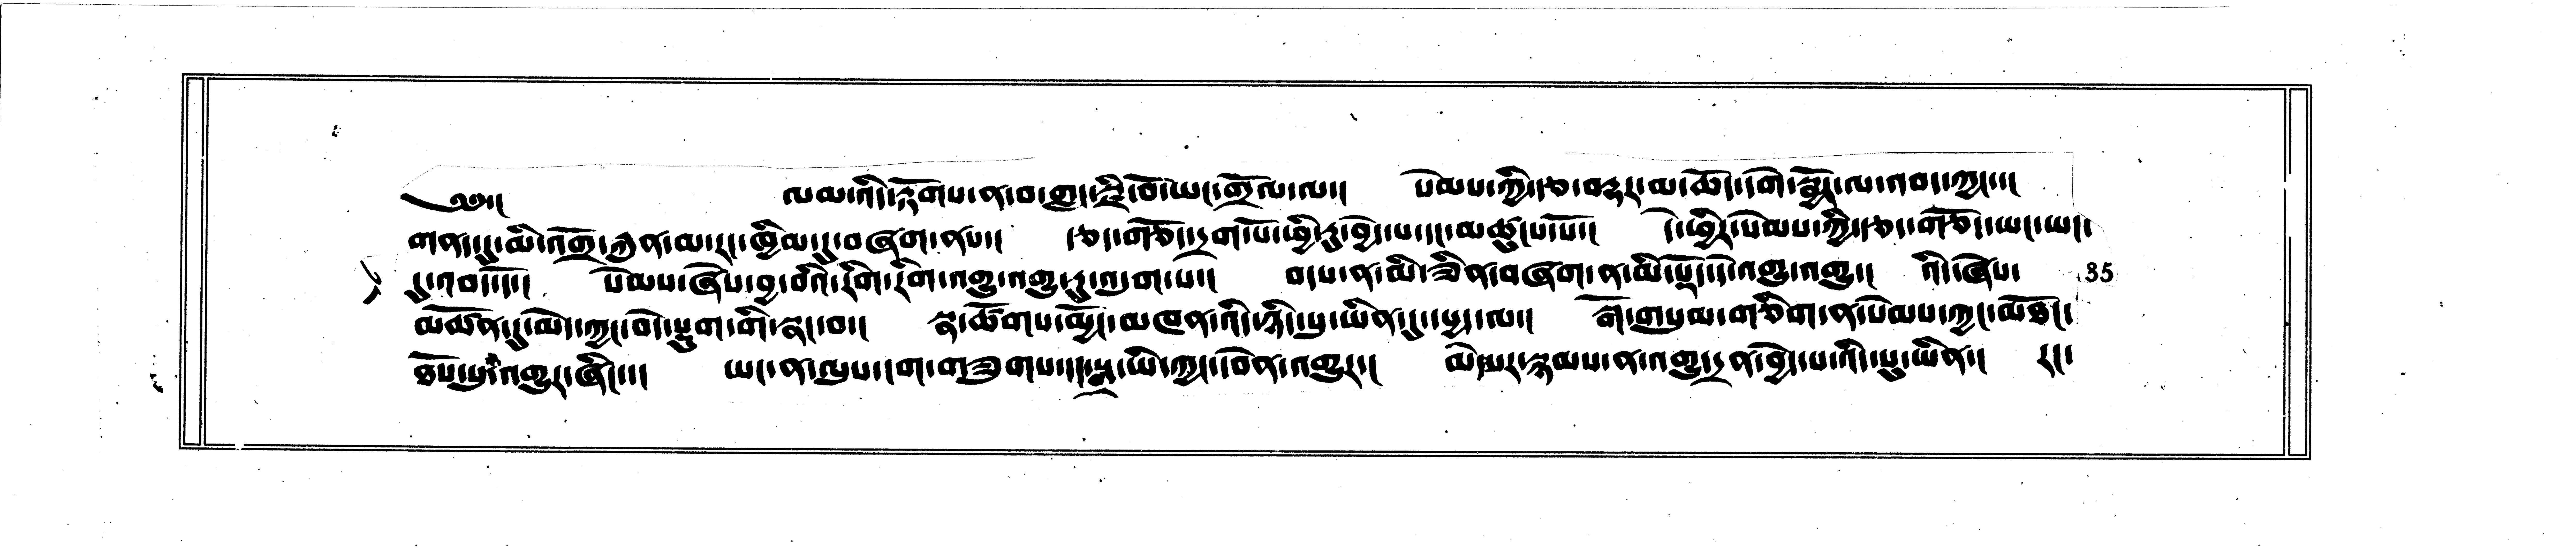ལམ་འདི་རྟོགས་ན་བ་ལང་རྫི་བོ་ཡང་གྲོལ་ལ། །སེམས་ཀྱི་རྩ་བརྡར་མ་ཆོད་དགེ་སྦྱོར་ལ་འབད་ཀྱང་། །
གནད་དུ་མི་འགྲོ་རྐུན་མ་རང་ཁྱིམ་དུ་བཞག་ནས། །རྩད་གཅོད་དྲག་པོ་ཕྱི་རུ་བྱེད་པ་དང་མཚུངས་སོ། །དེ་ཕྱིར་སེམས་ཀྱི་རྩད་གཅོད་ཡང་ཡང་
དུ་འབད་དོ། །སེམས་ཞེས་བྱ་བའི་རིག་རིག་འགྱུ་འགྱུ་རུ་འདུག་པ། །བདས་ན་མི་ཟིན་བཞག་ན་མི་སྡོད་དེ་འགྱུ་འགྱུ། །འདི་ཞེས་
མཚོན་དུ་མེད་ཀྱང་བདེ་སྡུག་གི་སྣང་བ། །སྣ་ཚོགས་མྱོང་མཁན་འདི་ཉིད་སུ་ཡིན་དུ་དཔྱད་ལ། །སྒོ་གསུམ་གཅིག་ན་སེམས་ཀྱང་མཐོང་
ཐོས་སུ་འགྱུར་ཞིང་། །ཡང་ན་ལུས་ངག་གཟུགས་དང་སྒྲ་ཡིས་ཀྱང་དབེན་འགྱུར། །མེད་པར་སྙམ་ན་འགྱུ་དྲན་བྱེད་པ་འདི་སུ་ཡིན། །རང་